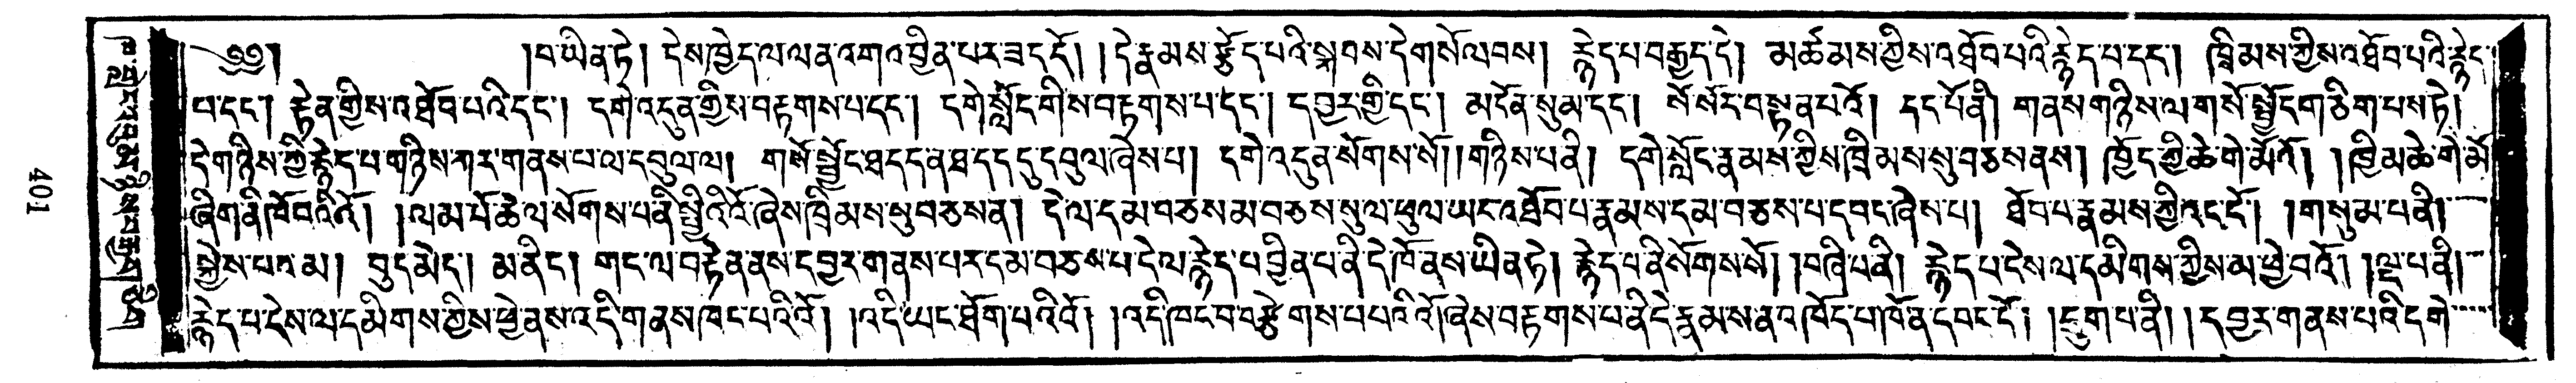༄༅། །པ་ཡིན་ཏེ། དེས་ཁྱེད་ལ་ལན་འགའ་བྱིན་པར་ཟད་དོ། །དེ་རྣམས་རྩོད་པའི་སྐབས་དེ་གསོལ་བས། རྙེད་པ་བརྒྱད་དེ། མཚམས་ཀྱིས་འཐོབ་པའི་རྙེད་པ་དང་། ཁྲིམས་ཀྱིས་འཐོབ་པའི་རྙེད་
པ་དང་། རྟེན་གྱིས་འཐོབ་པའི་དང་། དགེ་འདུན་གྱིས་བརྟགས་པ་དང་། དགེ་སློང་གིས་བརྟགས་པ་དང་། དབྱར་གྱི་དང་། མངོན་སུམ་དང་། སོ་སོར་བསྟན་པའོ། དང་པོ་ནི། གནས་གཉིས་ལ་གསོ་སྦྱོང་གཅིག་པས་ཏེ།
དེ་གཉིས་ཀྱི་རྙེད་པ་གཉིས་ཀར་གནས་པ་ལ་དབུལ་ལ། གསོ་སྦྱོང་ཐ་དད་ན་ཐ་དད་དུ་དབུལ་ཞེས་པ། དགེ་འདུན་སོགས་སོ། །གཉིས་པ་ནི། དགེ་སློང་རྣམས་ཀྱིས་ཁྲིམས་སུ་བཅས་ནས། ཁྱོད་ཀྱི་ཆེ་གེ་མོའོ། །ཁྱིམ་ཆེ་གེ་མོ་
ཞིག་ནི་ཁོ་བའིའོ། །ལམ་པོ་ཆེ་ལ་སོགས་པ་ནི་སྤྱིའི་འོ་ཞེས་ཁྲིམས་སུ་བཅས་ན། དེ་ལ་དམ་བཅས་མ་བཅས་སུ་ལ་ཕུལ་ཡང་འཐོབ་པ་རྣམས་དམ་བཅས་པ་དབང་ཞེས་པ། ཐོབ་པ་རྣམས་ཀྱི་འང་ངོ། །གསུམ་པ་ནི།
སྐྱེས་པའམ། བུད་མེད། མ་ནིང་། གང་ལ་བརྟེན་ནས་དབྱར་གནས་པར་དམ་བཅས་པ་དེ་ལ་རྙེད་པ་བྱིན་པ་ནི་དེ་ཁོ་ནས་ཡིན་ཏེ། རྙེད་པ་ནི་སོགས་སོ། །བཞི་པ་ནི། རྙེད་པ་དེས་ལ་དམིགས་ཀྱིས་མ་ཕྱེ་བའོ། །ལྔ་པ་ནི།
རྙེད་པ་ངེས་ལ་དམིགས་ཀྱིས་ཕྱེ་ནས་འདི་གནས་ཁང་པའི་འོ། །འདི་ཡང་ཐོག་པའིའོ། །འདི་ཁང་བ་བརྩེགས་པ་པའི་འོ། ཞེས་བརྟགས་པ་ནི་དེ་རྣམས་ན་འཁོད་པ་ཁོ་ན་དབང་ངོ། །དྲུག་པ་ནི། །དབྱར་གནས་པའི་དགེ་